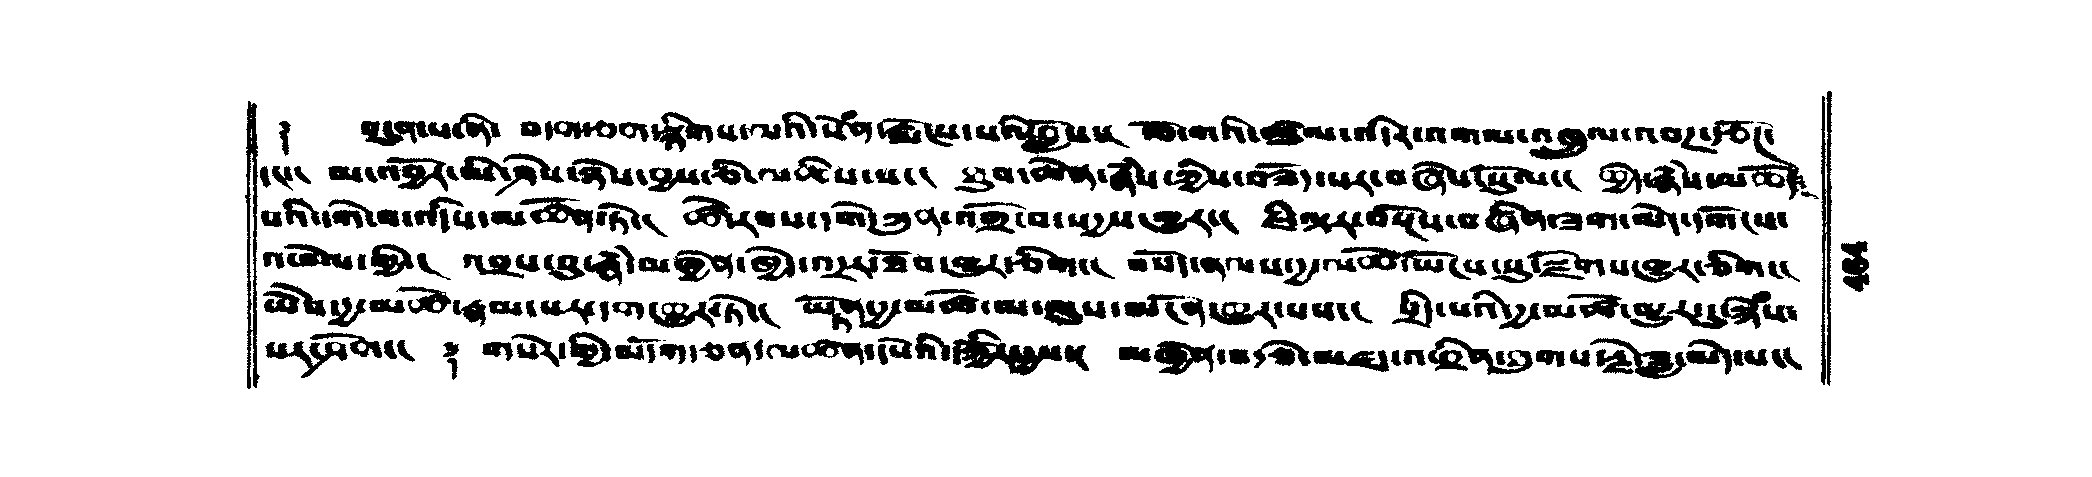བདུན་པ་ནི། བདག་ཅག་སྙིགས་མའི་སེམས་ཅན་རྨོངས་པའི་བློས། །ཆོ་གའི་ཚུལ་འདིར་འགལ་འཁྲུལ་འབགས་རྩོག་
དང་། །མ་འབྱོར་མི་ཤེས་ཉེས་བྱས་ཅི་མཆིས་པ། །ཐུབ་ཆེན་རྣམས་ཀྱིས་བཟོད་པར་བཞེས་སུ་གསོལ། །ཁྱེད་རྣམས་མཆོད་
པའི་དགེ་བ་འདིས་མཚོན་ཏེ། །ཚེ་རབས་དགེ་ཀུན་འགྲོ་བ་སངས་རྒྱས་གྱུར། །ཇི་ལྟར་བསྔོས་བཞིན་ཟད་མེད་གོང་
འཕེལ་གྱི། །འབྲས་བུ་རྣམ་མཁྱེན་ཁྱོད་འདྲར་ཐོབ་གྱུར་ཅིག །བསོད་ནམས་རྒྱ་མཚོ་ཡོངས་སུ་རྫོགས་གྱུར་ཅིག །
ཡེ་ཤེས་རྒྱ་མཚོ་རྣམ་པར་དག་གྱུར་ཏེ། །ཡོན་ཏན་རྒྱ་མཚོ་མ་ལུས་མངོན་གྱུར་པས། །སྲིད་པའི་རྒྱ་མཚོ་མྱུར་དུ་སྐེམས་
པར་ཤོག་།གསེར་གྱི་མདོག་ཅན་མཚན་དཔེའི་དཀྱིལ་འཁོར་རྒྱས། །མཁྱེན་བརྩེ་མཛད་ཕྲིན་ཐུགས་རྗེ་ཟླ་མེད་པ། །